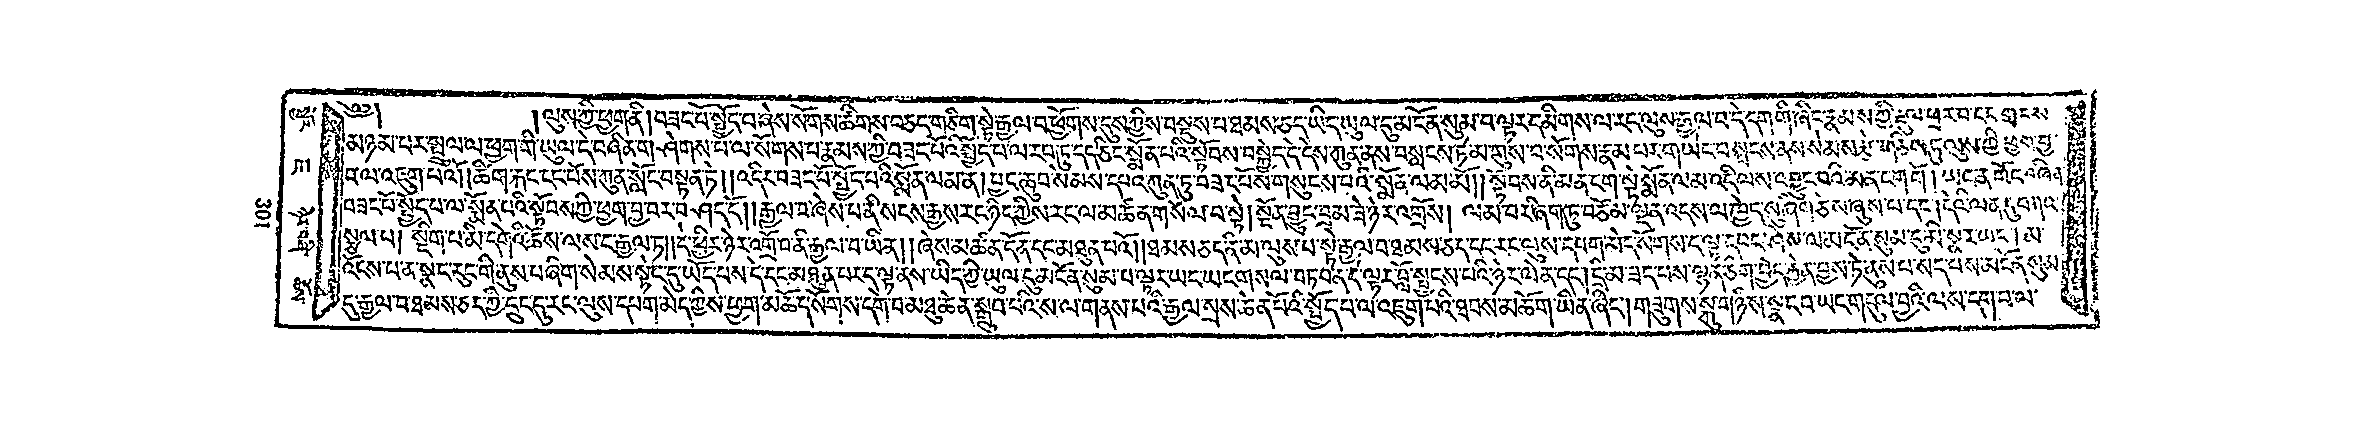༄༅། ། ལུས་ཀྱི་ཕྱག་ནི།བཟང་པོ་སྤྱོད་པ་ཞེས་སོགས་ཚིགས་བཅད་གཅིག་སྟེ་རྒྱལ་བ་ཕྱོགས་དུས་ཀྱིས་བསྡུས་པ་ཐམས་ཅད་ཡིད་ཡུལ་དུ་མངོན་སུམ་བ་ལྟར་དམིགས་ལ་རང་ལུས་རྒྱལ་བ་དེ་དག་གི་ཞིང་རྣམས་ཀྱི་རྡུལ་ཕྲ་རབ་དང་གྲངས་
མཉམ་པར་སྤྲུལ་ལ་ཕྱག་གི་ཡུལ་དེ་བཞིན་གཤེགས་པ་ལ་སོགས་པ་རྣམས་ཀྱི་བཟང་པོའི་སྤྱོད་པ་ལ་རབ་ཏུ་དད་ཅིང་སྨོན་པའི་སྟོབས་བསྐྱེད་དེ་དེས་ཀུན་ནས་བསླངས་ཏེ་མ་གུས་པ་སོགས་རྣམ་པར་གཡེང་བ་སྤངས་ནས་སེམས་རྩེ་གཅིག་ཏུ་ལུས་ཀྱི་ཕྱག་བྱ་
བ་ལ་འཇུག་པའོ། །ཚིག་རྐང་དང་པོས་ཀུན་སློང་བསྟན་ཏེ། །འདིར་བཟང་པོ་སྤྱོད་པའི་སྨོན་ལམ་ན། བྱང་ཆུབ་སེམས་དཔའ་ཀུན་ཏུ་བཟང་པོས་གསུངས་པའི་སྨོན་ལམ་མོ། །སྟོབས་ནི་མན་ངག་སྟེ་སྨོན་ལམ་འདི་ལས་འབྱུང་བའི་མན་ངག་གོ །ཡང་ན་གོང་བཞིན་
བཟང་པོ་སྤྱོད་པ་ལ་སྨོན་པའི་སྟོབས་ཀྱི་ཕྱག་བྱ་བར་བཤད་དོ། །རྒྱལ་བ་ཞེས་པ་ནི་སངས་རྒྱས་རང་ཉིད་ཀྱིས་རང་ལ་མཚན་གསོལ་བ་སྟེ། སྔོན་བྱུང་བྲམ་ཟེ་ཉེར་འགྲོས། ལམ་བར་ཞིག་ཏུ་བཅོམ་ལྡན་འདས་ལ་ཁྱེད་སུ་ཞིག་ཅེས་ཞུས་པ་དང་། དེའི་ལན་དུ་བཀའ་
སྩལ་པ། སྡིག་པ་མི་དགེའི་ཆོས་ལས་ང་རྒྱལ་ཏེ། །དེ་ཕྱིར་ཉེར་འགྲོ་བ་ནི་རྒྱལ་བ་ཡིན། །ཞེས་མཚན་དོན་དང་མཐུན་པའོ། །ཐམས་ཅད་ནི་མ་ལུས་པ་སྟེ་རྒྱལ་བ་ཐམས་ཅད་དང་རང་ལུས་དཔག་མེད་སོགས་ད་ལྟ་དབང་ཤེས་ལ་མངོན་སུམ་དུ་མི་སྣར་ཡང་། མ་
འོངས་པ་ན་སྣང་རུང་གི་ནུས་པ་ཞིག་སེམས་སྟེང་དུ་ཡོད་པས་དེ་དང་མཐུན་པར་ད་ལྟ་ནས་ཡིད་ཀྱི་ཡུལ་དུ་མངོན་སུམ་པ་ལྟར་ཡང་ཡང་གསལ་བཏབ་ན་དེ་ལྟར་བློ་སྦྱངས་པའི་ཉེར་ལེན་དང་། དྲི་མ་ཟད་པས་ལྷན་ཅིག་བྱེད་རྐྱེན་བྱས་ཏེ་ནུས་པ་སད་པས་མངོན་སུམ་
དུ་རྒྱལ་བ་ཐམས་ཅད་ཀྱི་དྲུང་དུ་རང་ལུས་དཔག་མེད་ཀྱིས་ཕྱག་མཆོད་སོགས་དགེ་བ་མཐུ་ཆེན་སྒྲུབ་པའི་ས་ལ་གནས་པའི་རྒྱལ་སྲས་ཆེན་པོའི་སྤྱོད་པ་ལ་འཇུག་པའི་ཐབས་མཆོག་ཡིན་ཞིང་། གཟུགས་སྐུ་གཉིས་སྣང་བ་ཡང་གདུལ་བྱའི་ལས་དག་པ་ལ་